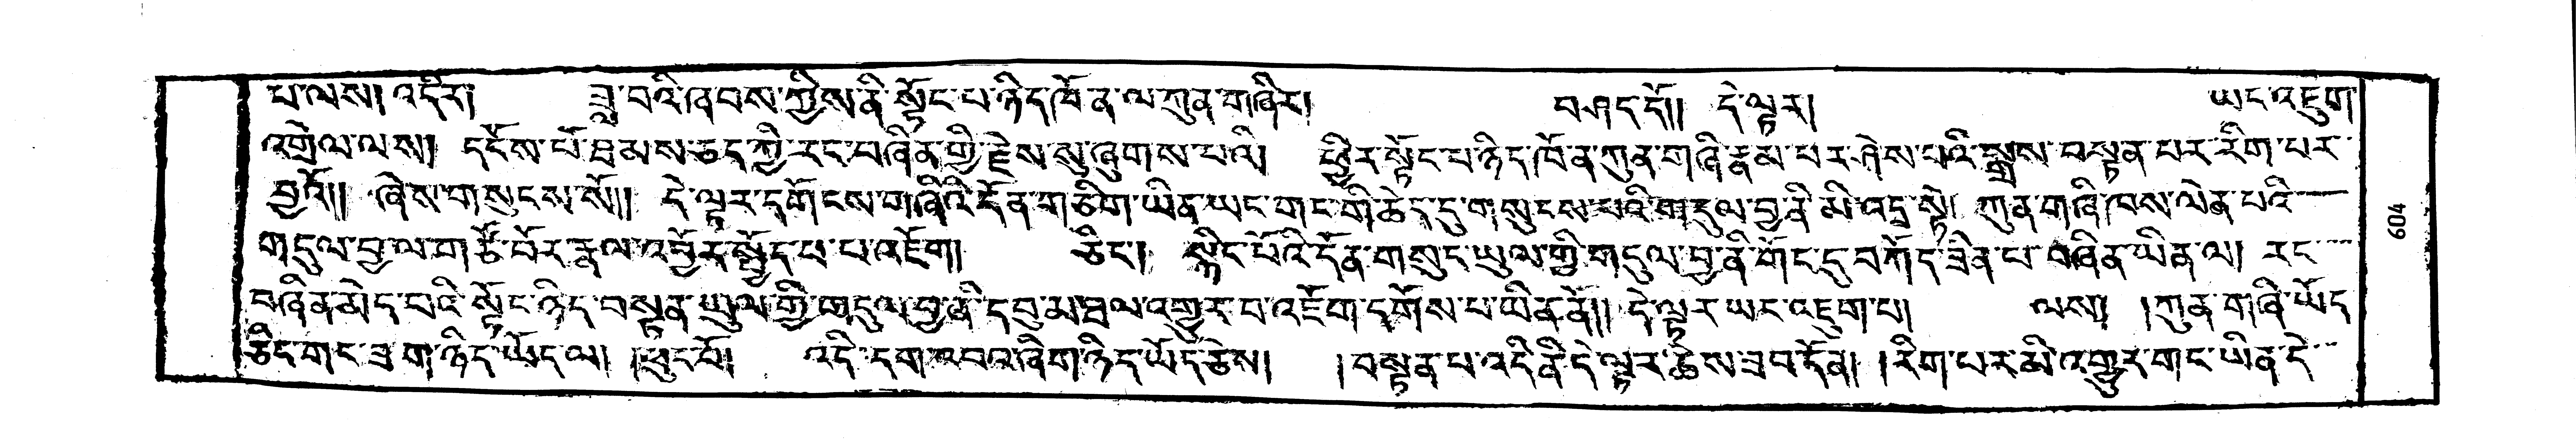པ་ལས། འདིར། ཟླ་བའི་ཞབས་ཀྱིས་ནི་སྟོང་པ་ཉིད་ཁོ་ན་ལ་ཀུན་གཞིར། བཤད་དོ།། དེ་ལྟར། ཡང་འཇུག་
འགྲེལ་ལས། དངོས་པོ་ཐམས་ཅད་ཀྱི་རང་བཞིན་གྱི་རྗེས་སུ་ཞུགས་པའི། ཕྱིར་སྟོང་པ་ཉིད་ཁོ་ན་ཀུན་གཞི་རྣམ་པར་ཤེས་པའི་སྒྲས་བསྟན་པར་རིག་པར་
བྱའོ།། ཞེས་གསུངས་སོ།། དེ་ལྟར་དགོངས་གཞིའི་དོན་གཅིག་ཡིན་ཡང་གང་གི་ཆེད་དུ་གསུངས་པའི་གདུལ་བྱ་ནི་མི་འདྲ་སྟེ། ཀུན་གཞི་ཁས་ལེན་པའི་
གདུལ་བྱ་ལ་གཙོ་བོར་རྣལ་འབྱོར་སྤྱོད་པ་པ་འཇོག། ཅིང་། སྙིང་པོའི་དོན་གསུང་ཡུལ་གྱི་གདུལ་བྱ་ནི་གོང་དུ་བཀོད་ཟིན་པ་བཞིན་ཡིན་ལ། རང་
བཞིན་མེད་པའི་སྟོང་ཉིད་བསྟན་ཡུལ་གྱི་གདུལ་བྱ་ནི་དབུ་མ་ཐལ་འགྱུར་བ་འཇོག་དགོས་པ་ཡིན་ནོ། །དེ་ལྟར་ཡང་འཇུག་པ། ལས། །ཀུན་གཞི་ཡོད་
ཅིང་གང་ཟག་ཉིད་ཡོད་ལ། །ཕུང་པོ། འདི་དག་འབའ་ཞིག་ཉིད་ཡོད་ཅེས། །བསྟན་པ་འདི་ནི་དེ་ལྟར་ཆེས་ཟབ་དོན། །རིག་པར་མི་འགྱུར་གང་ཡིན་དེ་